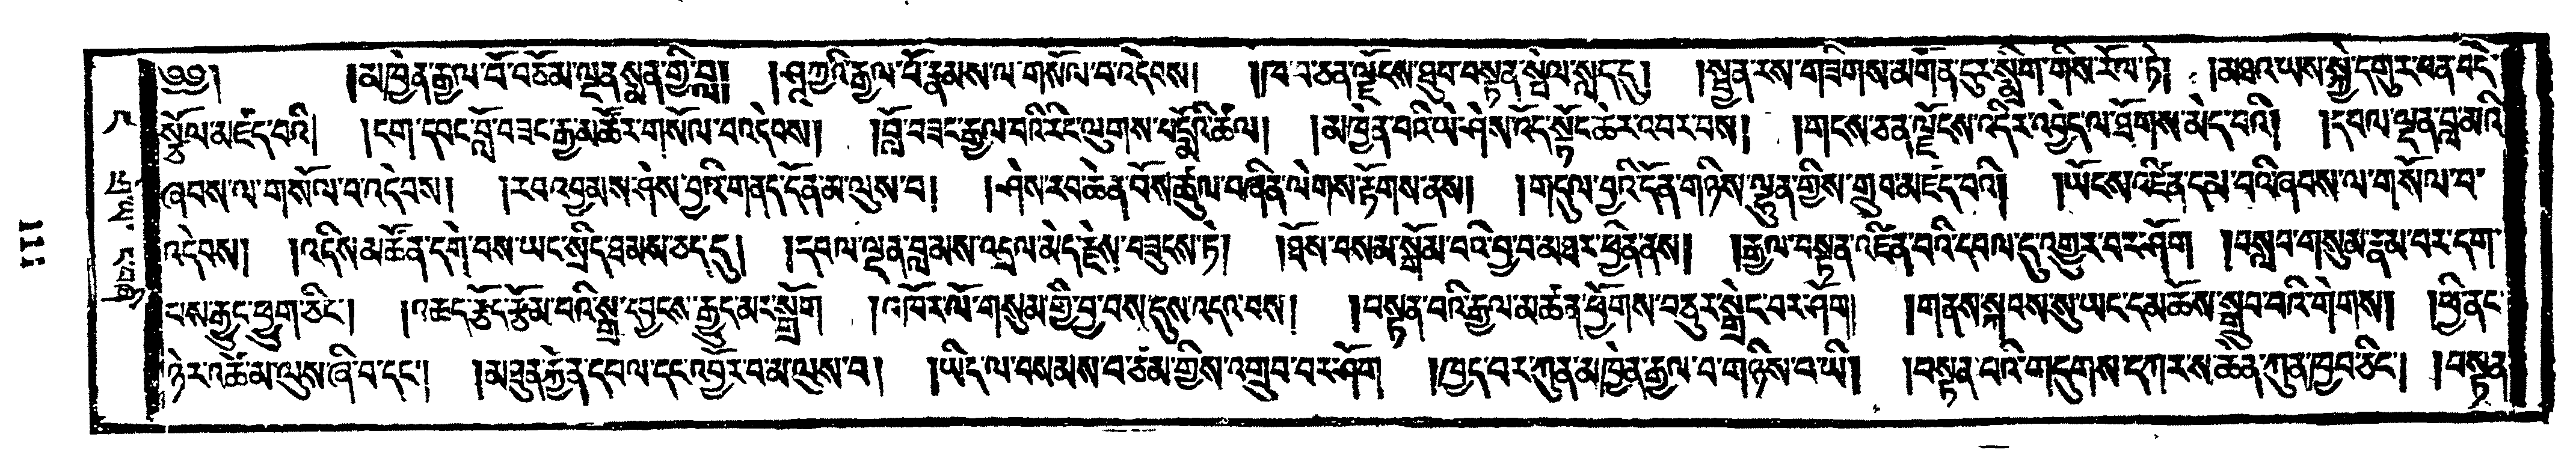༄༅། །མཁྱེན་རྒྱལ་བོ་བཅོམ་ལྡན་སྨན་གྱི་བླ། །ཤཱཀྱའི་རྒྱལ་པོ་རྣམས་ལ་གསོལ་བ་འདེབས། །ཁ་བ་ཅན་ལྗོངས་ཐུབ་བསྟན་སྤེལ་སླད་དུ། །སྦྱན་རས་གཟིགས་མགོན་དུར་སྨྲིག་གིས་རོལ་ཏེ། །མཐའ་ཡས་སྐྱེ་དགུར་ཕན་བདེ་
སྩོལ་མཛད་བའི། །ངག་དབང་བློ་བཟང་རྒྱ་མཚོར་གསོལ་བ་འདེབས། །བློ་བཟང་རྒྱལ་བའི་རིང་ལུགས་པདམོའི་ཚལ། །མཁྱེན་བའི་ཡེ་ཤེས་འོད་སྟོང་ཆེར་འབར་བས། །གངས་ཅན་ལྗོངས་འདིར་འབྱེད་ལ་ཐོགས་མེད་བའི། །དཔལ་ལྡན་བླ་མའི་
ཞབས་ལ་གསོལ་བ་འདེབས། །རབ་འབྱམས་ཤེས་བྱའི་གནད་དོན་མ་ལུས་བ། །ཤེས་རབ་ཆེན་བོས་ཚུལ་བཞིན་ལེགས་རྟོགས་ནས། །གདུལ་བྱའི་དོན་གཉིས་ལྷུན་གྱིས་གྲུབ་མཛད་བའི། །ཡོངས་འཛིན་དམ་བའི་ཞབས་ལ་གསོལ་བ་
འདེབས། །འདིས་མཚོན་དགེ་བས་ཡང་སྲིད་ཐམས་ཅད་དུ། །དབལ་ལྡན་བླ་མས་འདྲལ་མེད་རྗེས་བཟུངས་ཏེ། །ཐོས་བསམ་སྒོམ་བའི་བྱ་བ་མཐར་ཕྱིན་ནས། །རྒྱལ་བསྟན་འཛིན་པའི་དབལ་དུ་འགྱུར་བར་ཤོག །བསླབ་གསུམ་རྣམ་པར་དག་
པས་རྒྱུད་ཕྱུག་ཅིང་། །འཆད་རྩོད་རྩོམ་བའི་སྒྲ་དབྱངས་རྒྱུད་མར་སྒྲོག །འཁོར་ལོ་གསུམ་གྱི་བྱ་བས་དུས་འདའ་བས། །བསྟན་བའི་རྒྱལ་མཚན་ཕྱོགས་བཅུར་སྒྲེང་བར་ཤོག། །གནས་སྐབས་སུ་ཡང་དམ་ཆོས་སྒྲུབ་བའི་གེགས། །ཕྱི་ནང་
ཉེར་འཚེ་མ་ལུས་ཞི་བ་དང་། །མཐུན་རྐྱེན་དཔལ་དང་འབྱོར་བ་མ་ལུས་བ། །ཡིད་ལ་བསམས་བ་ཙམ་གྱིས་འགྲུབ་བར་ཤོག །ཁྱད་བར་ཀུན་མཁྱེན་རྒྱལ་བ་གཉིས་བ་ཡི། །བསྟན་པའི་གདུགས་དཀར་ས་ཆེན་ཀུན་ཁྱབ་ཅིང་། །བསྟན་